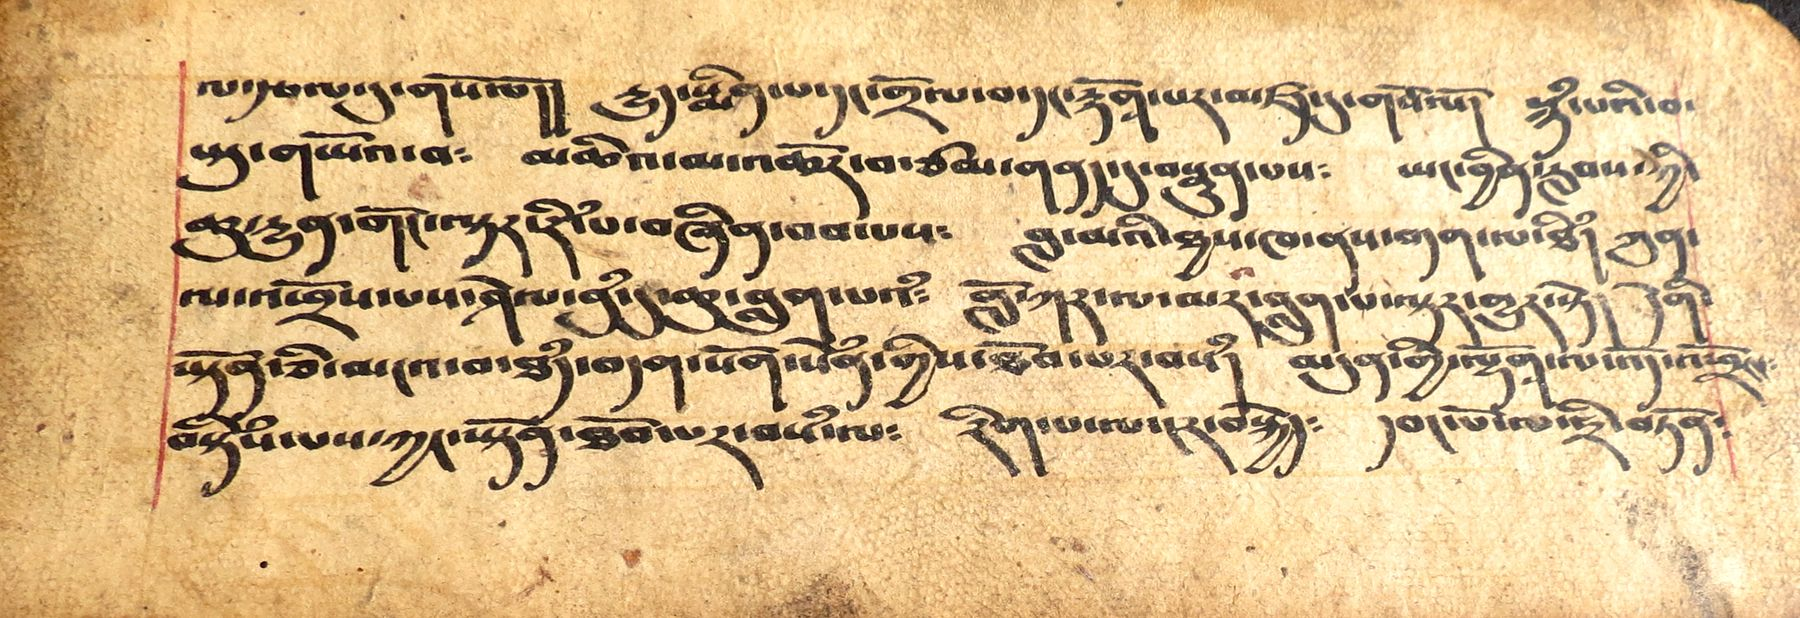ལ་བསྩལ་དུ་གསོལ་ལོ། རྒྱུད་སྨིན་པ་དང་གྲོལ་བ་དང་རྟོགས་པར་མཛད་དུ་གསོལ་ལོ། ། སྙམ་པ་བ་
སྤུ་གཡོ་བ་མཆི་མ་ཤོར་བ་ཙམ་གནད་དུ་བསྣུན་པས། ཡང་བྱིན་རླབས་ཀྱི་
ཆུ་རྒྱུན་གོང་ལྟར་རིམ་པ་བཞིན་བབས་པ། བླ་མའི་ཐུགས་ཁ་ནས་བདག་ལ་ཐིམ། ཀུན་
ལ་འཕྲོས་པས། ཤེལ་བུམ་ན་ཆུ་བླུག་པའམ། གློ་དཀར་ལ་མར་བླུག་པ་ལྟར་ཏེ། དེ་དག་གི་
ཡོན་ཏན་ཅི་མངའ་བ་ཐམས་ཅད་བདག་སོགས་སེམས་ཅན་གྱིས་ཐོབ་པར་བསམ། མདུན་གྱི་ལྷ་ཚོགས་ལས་འོད་འཕྲོས། 
བསྟིམས་པས་ཀྱང་ཡོན་ཏན་ཐོབ་པར་བསམ་ལ། རིག་པ་ལ་ངར་བསྐྱེད། དབང་པོ་ལ་ཧྲིག་འདོན།